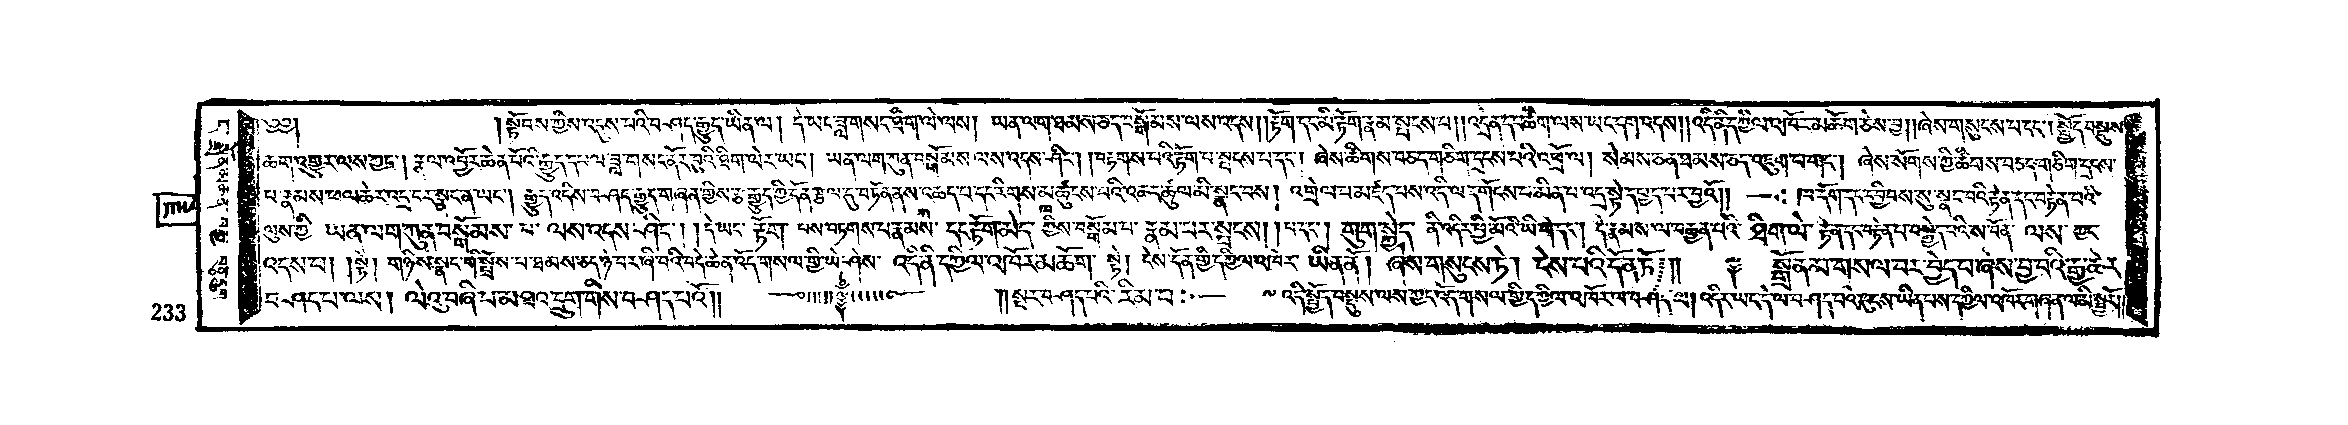༄༅། །སྟོབས་ཀྱིས་འདུས་པའི་བཤད་རྒྱུད་ཡིན་ལ། དེ་ཡང་ཟླ་གསང་ཐིག་ལེ་ལས། ཡན་ལག་ཐམས་ཅད་བསྒོམས་ལས་འདས། །རྟོག་དང་མི་རྟོག་རྣམ་སྤངས་པ། །འདྲེན་དང་ཚིག་ལས་ཡང་དག་འདས། །འདི་ནི་དཀྱིལ་འཁོར་མཆོག་ཅེས་བྱ། །ཞེས་གསུངས་པ་དང་། སྤྱོད་བསྡུས་
ཆག་འགྱུར་ལས་ཀྱང་། རྣལ་འབྱོར་ཆེན་པོའི་རྒྱུད་དཔལ་ཟླ་གསང་ནོར་བུའི་ཐིག་ལེར་ཡང་། ཡན་ལག་ཀུན་བསྒོམས་ལས་འདས་ཤིང་། །བརྟགས་པའི་རྟོག་པ་སྤངས་པ་དང་། ཞེས་ཚིགས་བཅད་གཅིག་དྲངས་པའི་འཕྲོ་ལ། སེམས་ཅན་ཐམས་ཅད་འཇུག་པ་གང་། ཞེས་སོགས་ཀྱི་ཚིགས་བཅད་གཅིག་དྲངས་
པ་རྣམས་ཕལ་ཆེར་འདྲ་བར་སྣང་ན་ཡང་། རྒྱུད་འདིས་བཤད་རྒྱུད་གཞན་གྱིས་རྩ་རྒྱུད་ཀྱི་དོན་རྩལ་དུ་བཏོན་ནས་འཆད་པ་དང་རིགས་མཚུངས་པའི་འཆད་ཚུལ་མི་སྣང་བས། འགྲེལ་པ་མཛད་པས་འདི་ལ་དགོངས་པ་མིན་པ་འདྲ་སྟེ་དཔྱད་པར་བྱའོ།། .H ཁ་དོག་དང་དབྱིབས་སུ་སྣང་བའི་རྟེན་དང་བརྟེན་པའི་
ལུས་ཀྱི་ཡན་ལག་ཀུན་བསྒོམས་པ་ལས་འདས་ཤིང་། །དེ་ཡང་རྟོག་པས་བཏགས་པ་ཀ་རྣམས་དང་རྟོག་མེད་ཁ་ཀྱིས་བསྒོམ་པ་རྣམ་པར་སྤངས། ། པ་དང། གུག་སྐྱེད་ནི་འདིར་ཕྱི་མོའི་ཡི་གེ་དང་། དེ་རྣམས་ལ་བརྒྱན་པའི་ཐིག་ལེ་རྟེན་དང་བརྟེན་པ་བསྐྱེད་པའི་ས་བོན་ལས་ཀྱང
འདས་པ། ། སྟེ། གཉིས་སྣང་གི་སྤྲོས་པ་ཐམས་ཅད་ཉེ་བར་ཞི་བའི་བདེ་ཆེན་འོད་གསལ་གྱི་ཡེ་ཤེས་འདི་ནི་དཀྱིལ་འཁོར་མཆོག་སྟེ། ངེས་དོན་གྱི་དཀྱིལ་འཁོར་ཡིན་ནོ། ཞེས་གསུངས་ཏེ། ངེས་པའི་དོན་ཏོ།། ༈ སྒྲོན་མ་གསལ་བར་བྱེད་པ་ཞེས་བྱ་བའི་རྒྱ་ཆེར་
བཤད་པ་ལས། ལེའུ་བཞི་པ་མཐའ་དྲུག་གིས་བཤད་པའོ།། ༆་།། སྔར་བཤད་པའི་རིམ་པཿ་༧་འདི་སྤྱོད་བསྡུས་ལས་ཀྱང་འོད་གསལ་གྱི་དཀྱིལ་འཁོར་ལ་བཤད་ལ། འདིར་ཡང་དེ་ལ་བཤད་པའི་ཁུངས་ཡིན་པས་དཀྱིལ་འཁོར་གཞན་ལ་མི་སྦྱོར།།